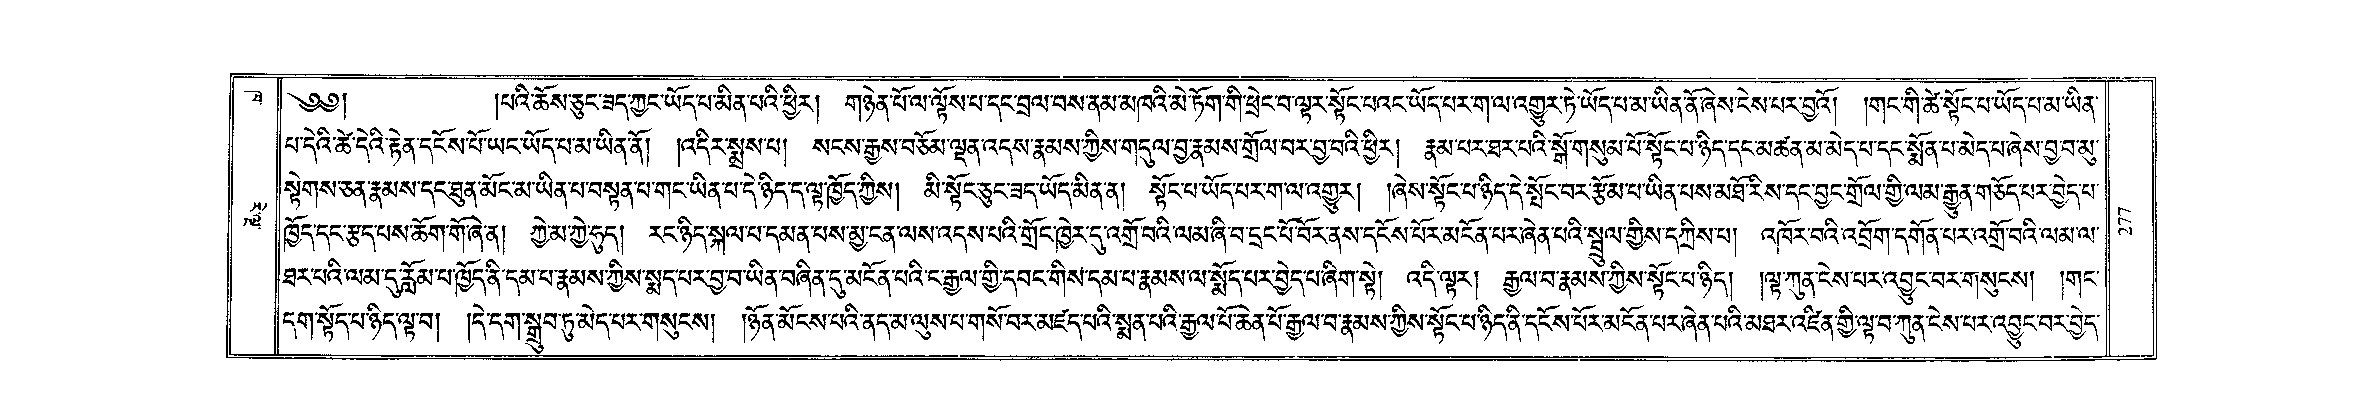༄༅། །པའི་ཆོས་ཅུང་ཟད་ཀྱང་ཡོད་པ་མིན་པའི་ཕྱིར། གཉེན་པོ་ལ་ལྟོས་པ་དང་བྲལ་བས་ནམ་མཁའི་མེ་ཏོག་གི་ཕྲེང་བ་ལྟར་སྟོང་པའང་ཡོད་པར་ག་ལ་འགྱུར་ཏེ་ཡོད་པ་མ་ཡིན་ནོ་ཞེས་ངེས་པར་བྱའོ། །གང་གི་ཚེ་སྟོང་པ་ཡོད་པ་མ་ཡིན་
པ་དེའི་ཚེ་དེའི་རྟེན་དངོས་པོ་ཡང་ཡོད་པ་མ་ཡིན་ནོ། །འདིར་སྨྲས་པ། སངས་རྒྱས་བཅོམ་ལྡན་འདས་རྣམས་ཀྱིས་གདུལ་བྱ་རྣམས་གྲོལ་བར་བྱ་བའི་ཕྱིར། རྣམ་པར་ཐར་པའི་སྒོ་གསུམ་པོ་སྟོང་པ་ཉིད་དང་མཚན་མ་མེད་པ་དང་སྨོན་པ་མེད་པ་ཞེས་བྱ་བ་མུ་
སྟེགས་ཅན་རྣམས་དང་ཐུན་མོང་མ་ཡིན་པ་བསྟན་པ་གང་ཡིན་པ་དེ་ཉིད་ད་ལྟ་ཁྱོད་ཀྱིས། མི་སྟོང་ཅུང་ཟད་ཡོད་མིན་ན། སྟོང་པ་ཡོད་པར་ག་ལ་འགྱུར། །ཞེས་སྟོང་པ་ཉིད་དེ་སྤོང་བར་རྩོམ་པ་ཡིན་པས་མཐོ་རིས་དང་བྱང་གྲོལ་གྱི་ལམ་རྒྱུན་གཅོད་པར་བྱེད་པ་
ཁྱོད་དང་རྩད་པས་ཆོག་གོ་ཞེ་ན། ཀྱེ་མ་ཀྱེ་ཧུད། རང་ཉིད་སྐལ་པ་དམན་པས་མྱ་ངན་ལས་འདས་པའི་གྲོང་ཁྱེར་དུ་འགྲོ་བའི་ལམ་ཞི་བ་དྲང་པོ་བོར་ནས་དངོས་པོར་མངོན་པར་ཞེན་པའི་སྦྲུལ་གྱིས་དཀྲིས་པ། འཁོར་བའི་འབྲོག་དགོན་པར་འགྲོ་བའི་ལམ་ལ་
ཐར་པའི་ལམ་དུ་རློམ་པ་ཁྱོད་ནི་དམ་པ་རྣམས་ཀྱིས་སྨད་པར་བྱ་བ་ཡིན་བཞིན་དུ་མངོན་པའི་ང་རྒྱལ་གྱི་དབང་གིས་དམ་པ་རྣམས་ལ་སྨོད་པར་བྱེད་པ་ཞིག་སྟེ། འདི་ལྟར། རྒྱལ་བ་རྣམས་ཀྱིས་སྟོང་པ་ཉིད། །ལྟ་ཀུན་ངེས་པར་འབྱུང་བར་གསུངས། །གང་
དག་སྟོད་པ་ཉིད་ལྟ་བ། །དེ་དག་སྒྲུབ་ཏུ་མེད་པར་གསུངས། །ཉོན་མོངས་པའི་ནད་མ་ལུས་པ་གསོ་བར་མཛད་པའི་སྨན་པའི་རྒྱལ་པོ་ཆེན་པོ་རྒྱལ་བ་རྣམས་ཀྱིས་སྟོང་པ་ཉིད་ནི་དངོས་པོར་མངོན་པར་ཞེན་པའི་མཐར་འཛིན་གྱི་ལྟ་བ་ཀུན་ངེས་པར་འབྱུང་བར་བྱེད་